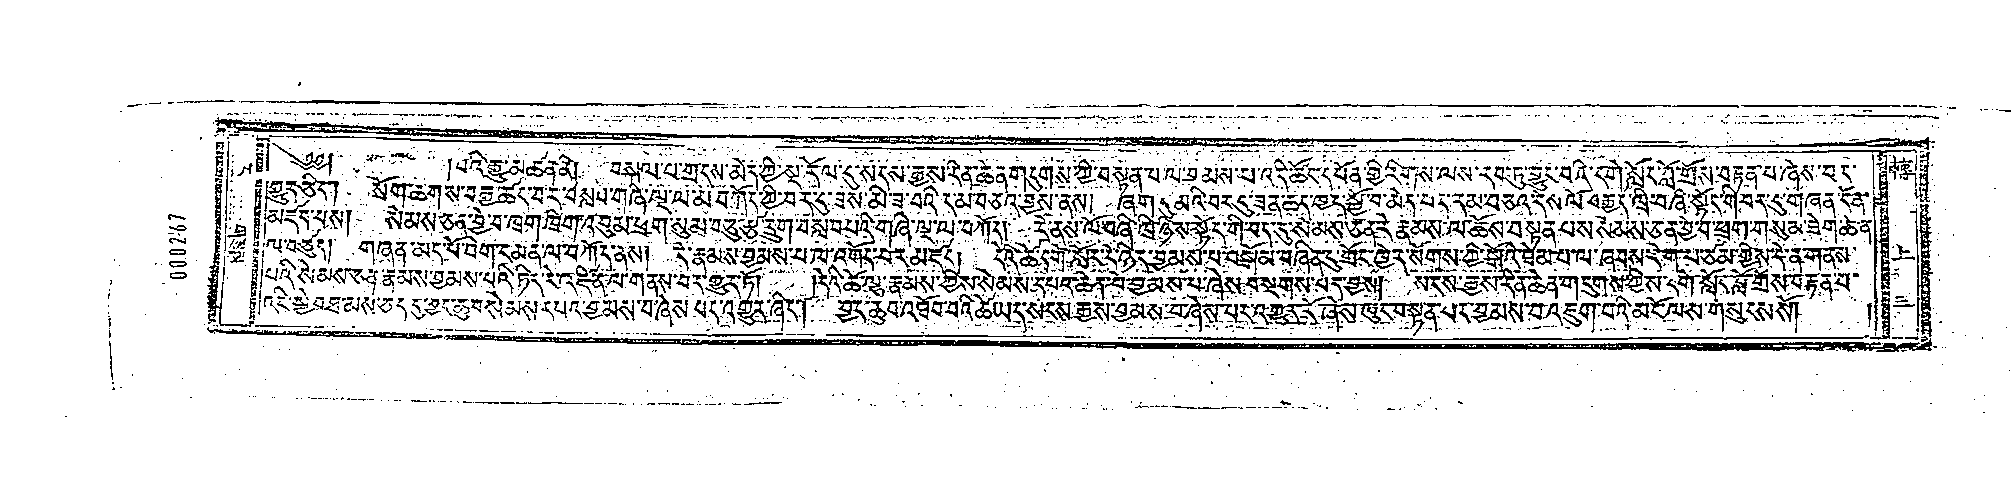༄༅། །པའི་རྒྱུ་མཚན་ནི། བསྐལ་པ་གྲངས་མེད་ཀྱི་སྔ་རོལ་དུ་སངས་རྒྱས་རིན་ཆེན་གདུགས་ཀྱི་བསྟན་པ་ལ་བྱམས་པ་འདི་ཚོང་དཔོན་གྱི་རིགས་ལས་རབ་ཏུ་བྱུང་བའི་དགེ་སློང་བློ་གྲོས་བརྟན་པ་ཞེས་བར་
གྱུར་ཅིང་། སྲོག་ཆགས་བརྒྱ་ཚང་བར་བསླབ་གཞི་ལྔ་ལ་མ་བཀོད་ཀྱི་བར་དུ་ཟས་མི་ཟ་བའི་དམ་བཅའ་བྱས་ནས། ཞག་དུ་མའི་བར་དུ་ཟན་ཆད་ཁྱད་སྐྱོ་བ་མེད་པར་དམ་བཅའ་དེས་ལོ་བརྒྱད་ཁྲི་བཞི་སྟོང་གི་བར་དུ་གཞན་དོན་
མཛད་པས། སེམས་ཅན་བྱེ་བ་ཁྲག་ཁྲིག་འབུམ་ཕྲག་སུམ་བཅུ་རྩ་དྲུག་བསླབ་པའི་གཞི་ལྔ་ལ་བཀོད། དེ་ནས་ལོ་བཞི་ཁྲི་ཉིས་སྟོང་གི་བར་དུ་སེམས་ཅན་རེ་རྣམས་ལ་ཆོས་བསྟན་པས་སེམས་ཅན་བྱེ་བ་ཕྲག་གསུམ་ཐེག་ཆེན་
ལ་བཙུད། གཞན་མང་པོ་ཐེག་དམན་ལ་བཀོད་ནས། དེ་རྣམས་བྱམས་པ་ལ་འགོད་པར་མཛད། དེའི་ཚེ་དགེ་སློང་དེ་ཉིད་བྱམས་པ་བསྒོམ་བཞིན་དུ་གྲོང་ཁྱེར་སོགས་ཀྱི་སྒོའི་ཐེམ་པ་ལ་ཞབས་རེག་པ་ཙམ་གྱིས་དེ་ན་གནས་
པའི་སེམས་ཅན་རྣམས་བྱམས་པའི་ཏིང་ངེ་འཛིན་ལ་གནས་པར་གྱུར་ཏོ། །དེའི་ཚེ་ལྷ་རྣམས་ཀྱིས་སེམས་དཔའ་ཆེན་པོ་བྱམས་པ་ཞེས་བསྔགས་པར་བྱས། སངས་རྒྱས་རིན་ཆེན་གདུགས་ཀྱིས་དགེ་སློང་བློ་གྲོས་བརྟན་པ་
འདི་སྐྱེ་བ་ཐམས་ཅད་དུ་བྱང་ཆུབ་སེམས་དཔའ་བྱམས་པ་ཞེས་པར་འགྱུར་ཞིང་། བྱང་ཆུབ་འཐོབ་བའི་ཚེ་ཡང་སངས་རྒྱས་བྱམས་པ་ཞེས་པར་འགྱུར་རོ་ཞེས་ལུང་བསྟན་པར་བྱམས་པ་འཇུག་པའི་མདོ་ལས་གསུངས་སོ། །